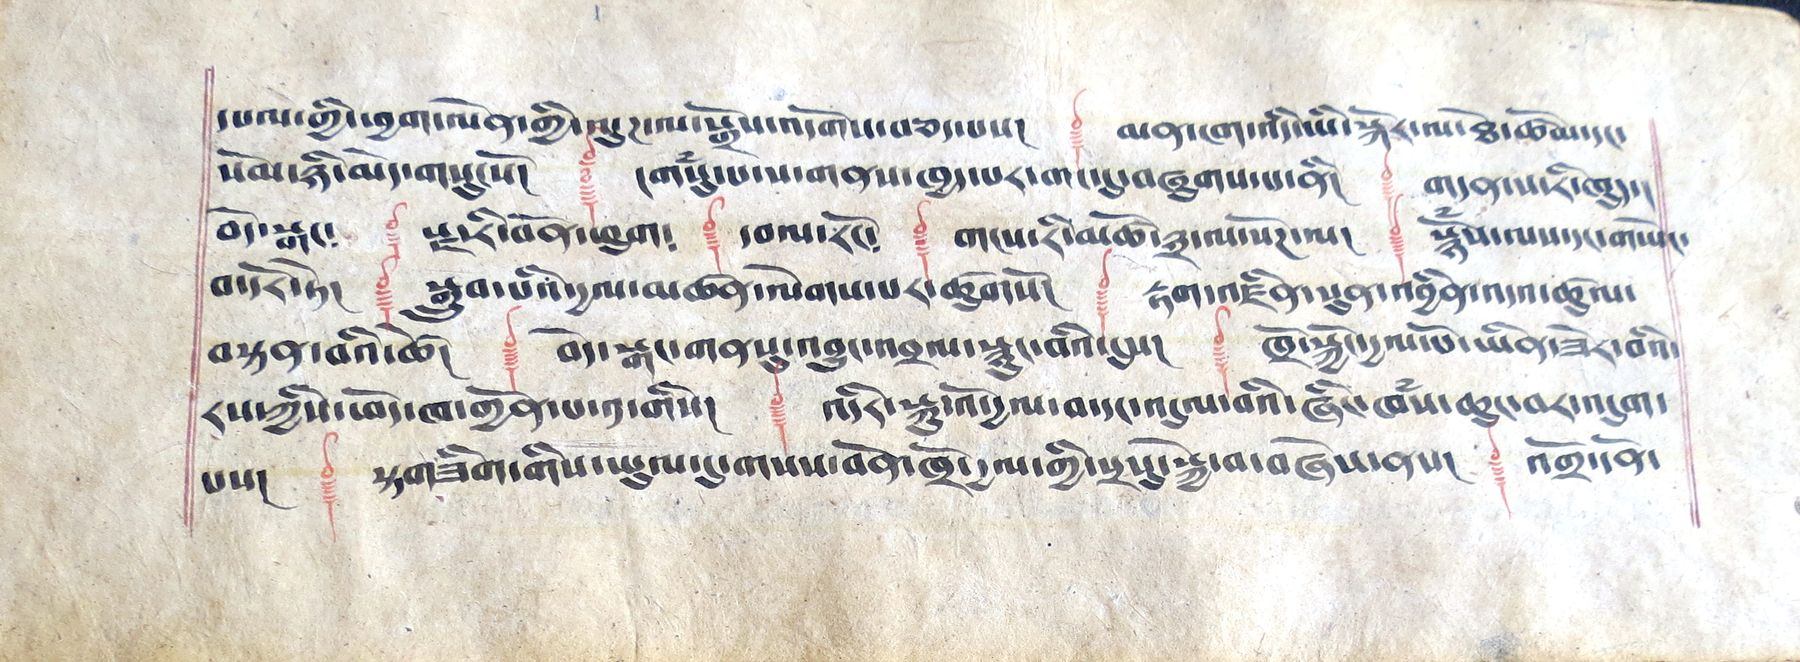དཔལ་གྱིས་ཕྱག་ལེན་གྱི་ལུགས་ལ་སྒྲོས་འདོགས་བཅད་པས། མན་ངག་འདིའི་སྐོར་ལ་ཐེ་ཚོམ་དང་
སོམ་ཉི་མེད་གསུངས་སོ། ། གསུམ་པ་ས་གནས་ཁྱད་པར་ཅན་གང་དུ་བརྟེན་ན། གནས་ས་རི་ཁུད་
བདེ་སྒང་། རྗེ་རི་བོན་ཕུག དབལ་རོང་། གངས་རི་མཚོ་གསུམ་ལས་སོགས་ལ། སྙོམས་ལས་དང་གཡེང་
བ་དོར་ཏེ། བསྒྲུབ་པའི་རྒྱལ་མཚན་ལེགས་པར་བཙུགས་སོ། ། རྟག་འཛིན་སུན་འབྱིན་འདའ་ཚུལ་
བསྟན་པའི་ཚེ། བདེ་སྒང་གནས་སུ་འབྱུང་འབྲལ་བསྙུང་བའི་དུས། ཁྲོ་སྐྱོང་རྒྱལ་པོ་ཡིན་ཟེར་བའི་
རས་ཀྱི་ཕོད་ཀ་གོན་བ་ཞིག་གིས། འདིར་སྐུ་འོ་བརྒྱལ་བ་དང་འདུལ་བའི་ཞིང་ཁམས་ཆུང་བར་འདུག་
པས། རྟག་གཟིགས་ཀྱི་ཡུལ་དུ་གསས་བོན་ཁྲོ་རྒྱལ་གྱི་སྲས་སུ་སྐྱེ་བ་བཞེས་ནས་འགྲོ་དོན་